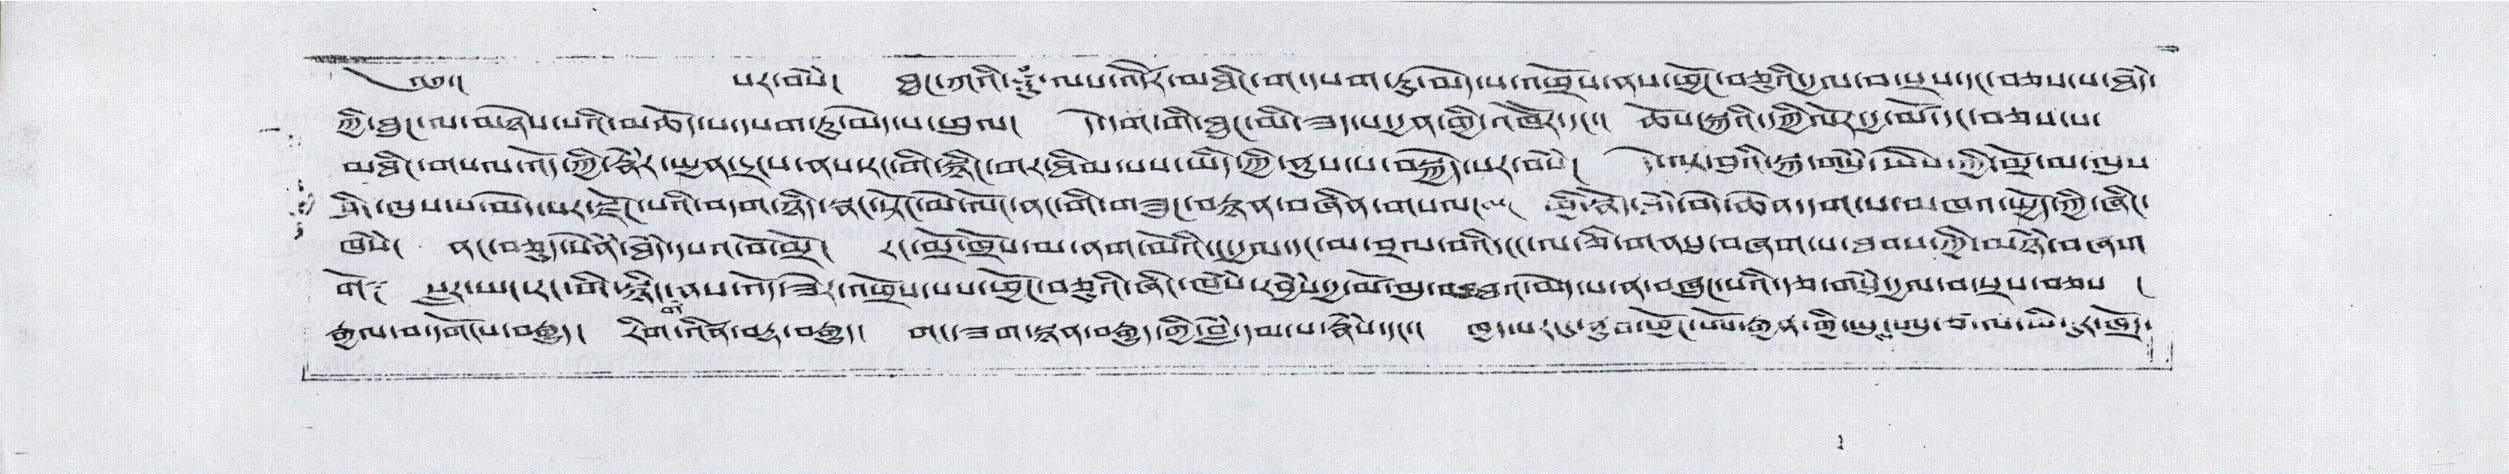པར་བསམ། ཐུགས་ཀའི་ཧཱུཾ་ལས་འོད་ཟེར་མཐིང་ག་དཔག་ཏུ་མེད་པ་འཕྲོས་ནས་ཕྱོགས་བཅུའི་རྒྱལ་བ་སྲས་དང་བཅས་པ་ཐམས་ཅད་
ཀྱི་ཐུགས་ལ་མཉེས་པའི་མཆོད་པ་དཔག་ཏུ་མེད་པ་ཕུལ། དེ་དག་གི་ཐུགས་མི་ཟད་པ་རྒྱན་གྱི་འཁོར་ལོ་དང། ཆོས་སྐུའི་དཀྱིལ་འཁོར་རྒྱ་མཚོ་དང་བཅས་པ་
མཐིང་གསལ་འོད་ཀྱི་རྣམ་པར་སྤྱན་དྲངས་ནས་རང་གི་སྙིང་གར་ཐིམ་པས་ཡིད་ཀྱི་ནུས་པ་བསྐྱེད་པར་བསམ། དེ་ལྟ་བུའི་སྐུ་གསུམ་ཡེ་ཤེས་ཀྱི་མཁའ་འགྲོ་མ་ལུས་
ཤིང་ལུས་པ་མེད་པར་རྫོགས་པའི་བདག་ཉིད་སྣང་སྟོང་མེ་ལོང་ནང་གི་གཟུགས་བརྙན་བཞིན་གསལ་ལ། ཕྱི་སྣོད་ཐམས་ཅད་བདེ་ཆེན་དག་པ་མཁའ་སྤྱོད་ཀྱི་ཞིང་
ཁམས། ནང་བཅུད་སེམས་ཅན་ཐམས་ཅད་དཔའ་བོ་མཁའ་འགྲོ། རང་མཁའ་འགྲོ་ཁྲོས་མ་ནག་མོའི་ང་རྒྱལ་དང་མ་བྲལ་བའི་ངང་ལ་ཅི་གནས་སུ་བཞག་པ་ཐབས་ཀྱི་མཉམ་བཞག་
གོ། སླར་ཡང་རང་གི་སྙིང་ག་ནས་འོད་ཟེར་འཕྲོས་པས་ཕྱོགས་བཅུའི་ཞིང་ཁམས་རབ་འབྱམས་རྒྱ་མཚོ་མུ་མཐའ་མེད་པ་ན་བཞུགས་པའི་རྩ་གསུམ་རྒྱལ་བ་སྲས་བཅས་
རྒྱལ་བ་དགོངས་བརྒྱུད། རིག་འཛིན་བརྡ་བརྒྱུད། གང་ཟག་སྙན་བརྒྱུད་ཀྱི་བླ་མ་དམ་པ་རྣམས་དང། ཁྱད་པར་དུ་ནུབ་ཕྱོགས་ཨོ་རྒྱན་གྱི་ཡུལ་ཨུ་ཙ་ལ་ཡི་དུར་ཁྲོད་